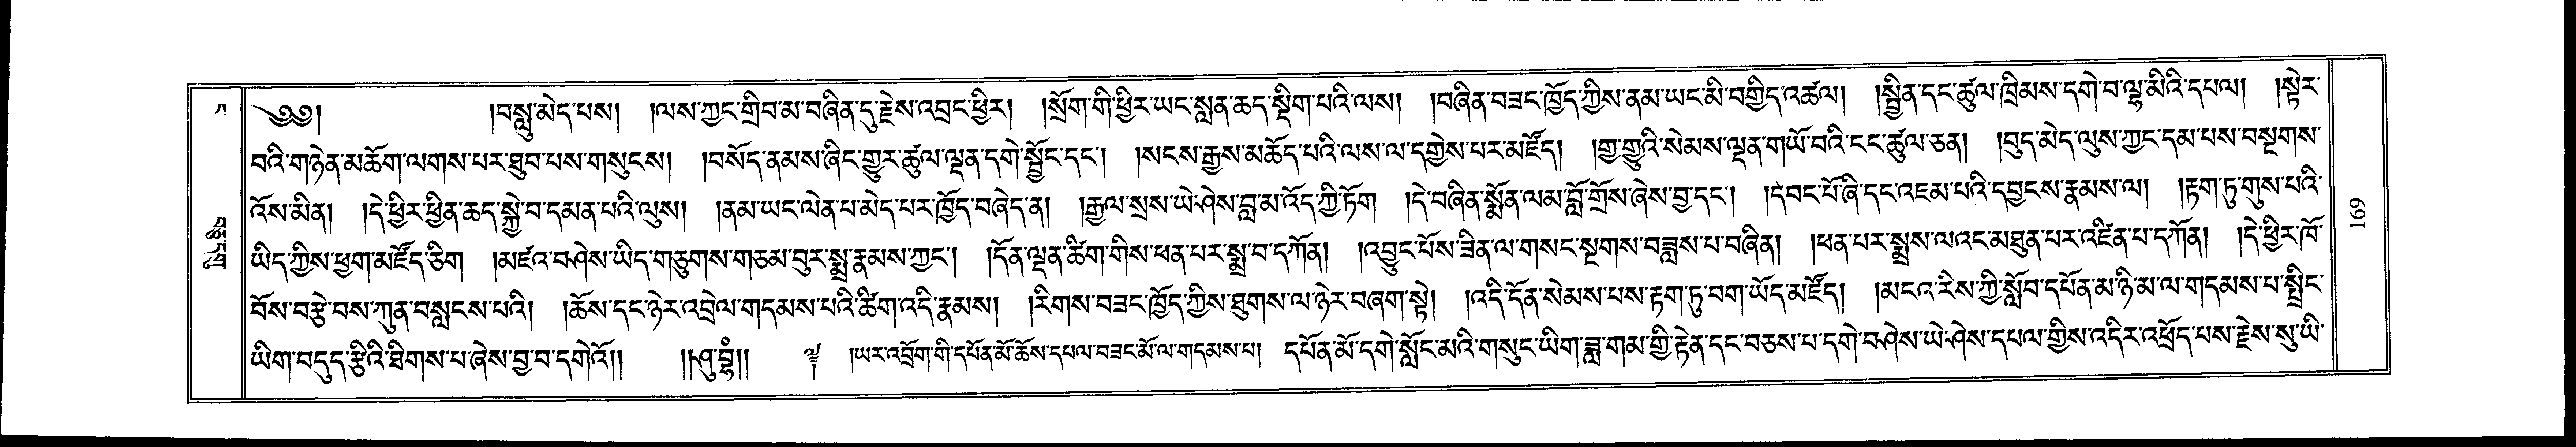༄༅། །བསླུ་མེད་པས། །ལས་ཀྱང་གྲིབ་མ་བཞིན་དུ་རྗེས་འབྲང་ཕྱིར། །སྲོག་གི་ཕྱིར་ཡང་སླན་ཆད་སྡིག་པའི་ལས། །བཞིན་བཟང་ཁྱོད་ཀྱིས་ནམ་ཡང་མི་བགྱིད་འཚལ། །སྦྱིན་དང་ཚུལ་ཁྲིམས་དགེ་བ་ལྷ་མིའི་དཔལ། །སྟེར་
བའི་གཉེན་མཆོག་ལགས་པར་ཐུབ་པས་གསུངས། །བསོད་ནམས་ཞིང་གྱུར་ཚུལ་ལྡན་དགེ་སྦྱོང་དང་། །སངས་རྒྱས་མཆོད་པའི་ལས་ལ་དགྱེས་པར་མཛོད། །གྱ་གྱུའི་སེམས་ལྡན་གཡོ་བའི་ངང་ཚུལ་ཅན། །བུད་མེད་ལུས་ཀྱང་དམ་པས་བསྔགས་
འོས་མིན། །དེ་ཕྱིར་ཕྱིན་ཆད་སྐྱེ་བ་དམན་པའི་ལུས། །ནམ་ཡང་ལེན་པ་མེད་པར་ཁྱོད་བཞེད་ན། །རྒྱལ་སྲས་ཡེ་ཤེས་བླ་མ་འོད་ཀྱི་ཏོག །དེ་བཞིན་སྨོན་ལམ་བློ་གྲོས་ཞེས་བྱ་དང་། །དབང་པོ་ཞི་དང་འཇམ་པའི་དབྱངས་རྣམས་ལ། །རྟག་ཏུ་གུས་པའི་
ཡིད་ཀྱིས་ཕྱག་མཛོད་ཅིག །མཛའ་བཤེས་ཡིད་གཅུགས་གཅམ་བུར་སྨྲ་རྣམས་ཀྱང་། །དོན་ལྡན་ཚིག་གིས་ཕན་པར་སྨྲ་བ་དཀོན། །འབྱུང་པོས་ཟིན་ལ་གསང་སྔགས་བཟླས་པ་བཞིན། །ཕན་པར་སྨྲས་ལའང་མཐུན་པར་འཛིན་པ་དཀོན། །དེ་ཕྱིར་ཁོ་
བོས་བརྩེ་བས་ཀུན་བསླངས་པའི། །ཆོས་དང་ཉེར་འབྲེལ་གདམས་པའི་ཚིག་འདི་རྣམས། །རིགས་བཟང་ཁྱོད་ཀྱིས་ཐུགས་ལ་ཉེར་བཞག་སྟེ། །འདི་དོན་སེམས་པས་རྟག་ཏུ་བག་ཡོད་མཛོད། །མངའ་རིས་ཀྱི་སློབ་དཔོན་མ་ཉི་མ་ལ་གདམས་པ་སྤྲིང་
ཡིག་བདུད་རྩིའི་ཐིགས་པ་ཞེས་བྱ་བ་དགེའོ།། །།ཤུ་བྷཾ།། ༈ ཡར་འབྲོག་གི་དཔོན་མོ་ཆོས་དཔལ་བཟང་མོ་ལ་གདམས་པ། དཔོན་མོ་དགེ་སློང་མའི་གསུང་ཡིག་ཟླ་གམ་གྱི་རྟེན་དང་བཅས་པ་དགེ་བཤེས་ཡེ་ཤེས་དཔལ་གྱིས་འདིར་འཕྲོད་པས་རྗེས་སུ་ཡི་